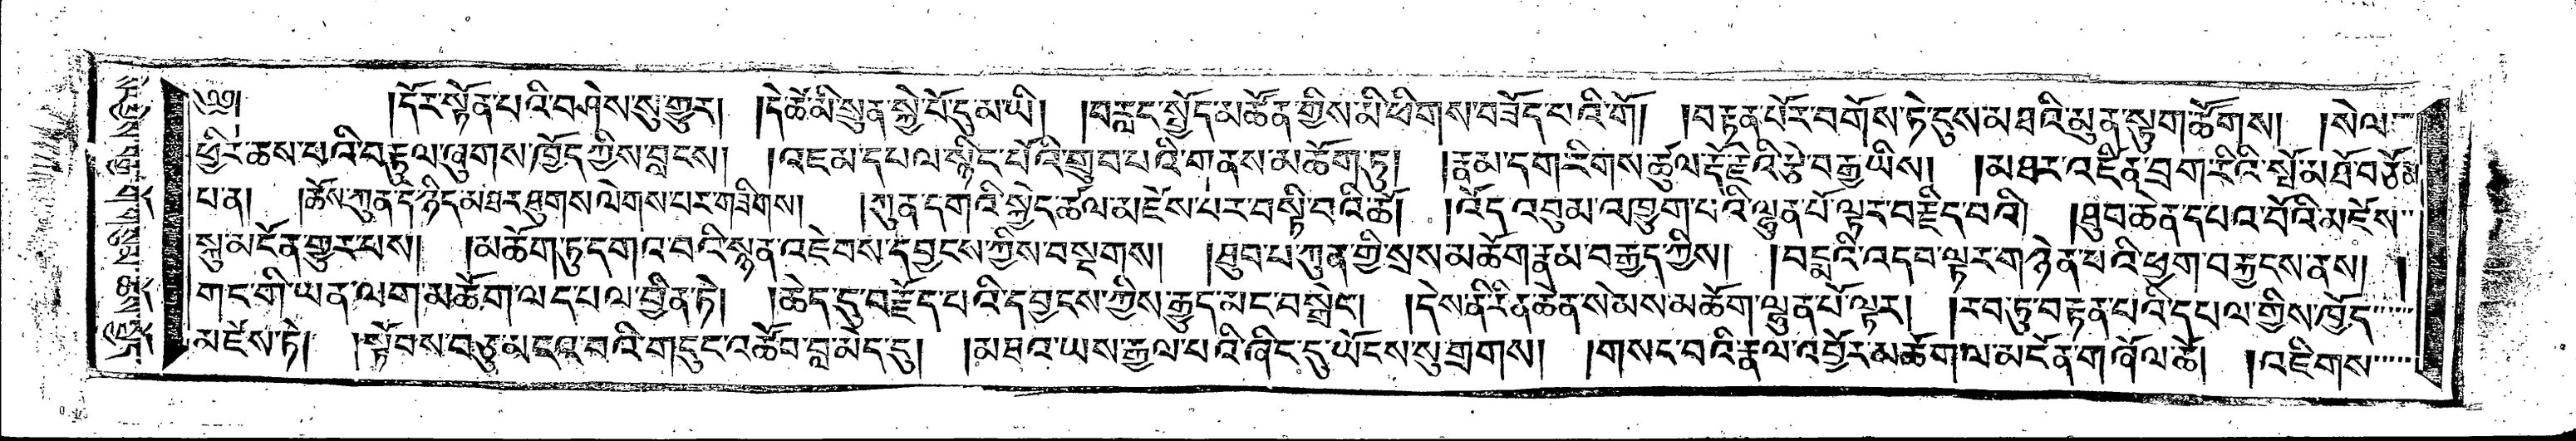༄༅། །དོར་སྟོན་པའི་བཤེས་སུ་གྱུར། །དེ་ཚེ་མི་སྲུན་སྐྱེ་པོ་དུ་མ་ཡི། །བརླང་སྤྱོད་མཚོན་གྱིས་མི་ཕིགས་བཟོད་པའི་གོ། །བརྟན་པོར་བགོས་ཏེ་དུས་མཐའི་མུན་སྟུག་ཚོགས། །སེལ་
ཕྱིར་ཆས་པའི་བརྟུལ་ཞུགས་ཁྱོད་ཀྱིས་བླངས། །འཇམ་དཔལ་སྙིང་པོའི་གྲུབ་པའི་གནས་མཆོག་ཏུ། །རྣམ་དག་རིགས་ཚུལ་རྡོ་རྗེའི་རྩེ་བརྒྱ་ཡིས། །མཐར་འཛིན་བྲག་རིའི་སྤོ་མཐོ་བཅོམ་
པ་ན། །ཆོས་ཀུན་དེ་ཉིད་མཐར་ཐུགས་ལེགས་པར་གཟིགས། །ཀུན་དགའི་སྐྱེད་ཚལ་མཛེས་པར་བསྟི་བའི་ཚེ། །འོད་འབུམ་འཁྱུག་པའི་ལྷུན་པོ་ལྟར་བརྗིད་པའི། །ཐུབ་ཆེན་དཔའ་བོའི་མཛེས་
སྐུ་མངོན་གྱུར་པས། །མཆོག་ཏུ་དགའ་བའི་སྙན་འཇེབས་དབྱངས་ཀྱིས་བསྔགས། །ཐུབ་པ་ཀུན་གྱི་སྲས་མཆོག་རྣམ་བརྒྱད་ཀྱིས། །པདམའི་འདབ་ལྟར་གཉེན་པའི་ཕྱག་བརྐྱངས་ནས། །
གང་གི་ཡན་ལག་མཆོག་ལ་དཔལ་བྱིན་ཏེ། །ཆེད་དུ་བརྗོད་པའི་དབྱངས་ཀྱིས་རྒྱུད་མང་བསྒྲེང་། །དེས་ནི་རིན་ཆེན་སེམས་མཆོག་ལྷུན་པོ་ལྟར། །རབ་ཏུ་བརྟན་པའི་དཔལ་གྱིས་ཁྱོད་
མཛེས་ཏེ། །སྟོབས་བཅུ་མངའ་བའི་གདུང་འཚོབ་བླ་མེད་དུ། །མཐའ་ཡས་རྒྱལ་བའི་ཞིང་དུ་ཡོངས་སུ་གྲགས། །གསང་བའི་རྣལ་འབྱོར་མཆོག་ལ་མངོན་གཞོལ་ཚེ། །འཇིགས་